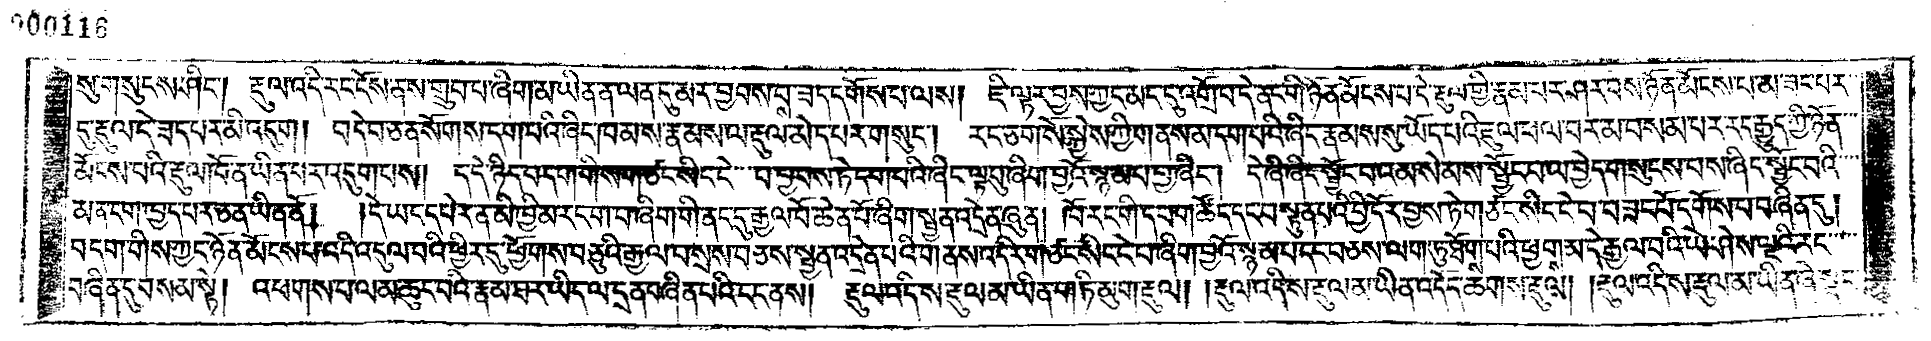སུ་གསུངས་ཤིང་། རྡུལ་འདི་རང་ངོས་ནས་གྲུབ་པ་ཞིག་མ་ཡིན་ན་ལན་དུ་མར་བྱབས་པས་ཟད་དགོས་པ་ལས། ཇི་ལྟར་བྱས་ཀྱང་མང་དུ་འགྲོ་བ་དེ་ནང་གི་ཉོན་མོངས་པ་དེ་རྡུལ་གྱི་རྣམ་པར་ཤར་བས་ཉོན་མོངས་པ་མ་ཟད་པར་
དུ་རྡུལ་དེ་ཟད་པར་མི་འདུག །བདེ་བ་ཅན་སོགས་དག་པའི་ཞིང་ཁམས་རྣམས་ལ་རྡུལ་མེད་པར་གསུང་། རང་ཅག་སོ་སྐྱེས་ཀྱི་གནས་མ་དག་པའི་ཞིང་རྣམས་སུ་ཡོད་པའི་རྡུལ་ཕལ་བར་མ་བསམ་པར་རང་རྒྱུད་ཀྱི་ཉོན་
མོངས་པའི་རྡུལ་ཁོ་ན་ཡིན་པར་འདུག་པས། ད་དེ་ཉིད་བདག་གིས་གཙང་སིང་ངེ་བ་བྱབས་ཏེ་དག་པའི་ཞིང་ལྟ་བུ་ཞིག་བྱའོ་སྙམ་པ་བྱ་ཞིང་། དེ་ཞི་ཞིང་སྦྱོང་བའམ་སེམས་སྦྱོང་བ་ལ་བྱེད་གསུངས་པས་ཞིང་སྦྱོང་བའི་
མན་ངག་ཁྱད་པར་ཅན་ཡིན་ནོ། །དེ་ཡང་དཔེར་ན་མི་ཁྱིམ་རང་ག་བ་ཞིག་གི་ནང་དུ་རྒྱལ་པོ་ཆེན་པོ་ཞིག་སྤྱན་འདྲེན་ཞུ་ན། ཁོ་རང་གི་དཔག་ཚོད་དང་བསྟུན་པའི་བྱི་དོར་བྱས་ཏེ་གཙང་སིང་ངེ་བ་བཟང་པོ་དགོས་པ་བཞིན་དུ།
བདག་གིས་ཀྱང་ཉོན་མོངས་པ་འདི་འདུལ་བའི་ཕྱིར་དུ་ཕྱོགས་བཅུའི་རྒྱལ་བ་སྲས་བཅས་སྤྱན་འདྲེན་པའི་གནས་འདིར་གཙང་སིང་ངེ་བ་ཞིག་བྱའོ་སྙམ་པ་དང་བཅས་ལག་ཏུ་ཐོགས་པའི་ཕྱགས་མ་དེ་རྒྱལ་བའི་ཡེ་ཤེས་ལྔའི་རང་
བཞིན་དུ་བསམ་སྟེ། འཕགས་པ་ལམ་ཆུང་བའི་རྣམ་ཐར་ཡིད་ལ་དྲན་བཞིན་པའི་ངང་ནས། རྡུལ་འདི་ས་རྡུལ་མ་ཡིན་གཏི་མུག་རྡུལ། །རྡུལ་འདི་ས་རྡུལ་མ་ཡིན་འདོད་ཆགས་རྡུལ། །རྡུལ་འདི་ས་རྡུལ་མ་ཡིན་ཞེ་སྡང་